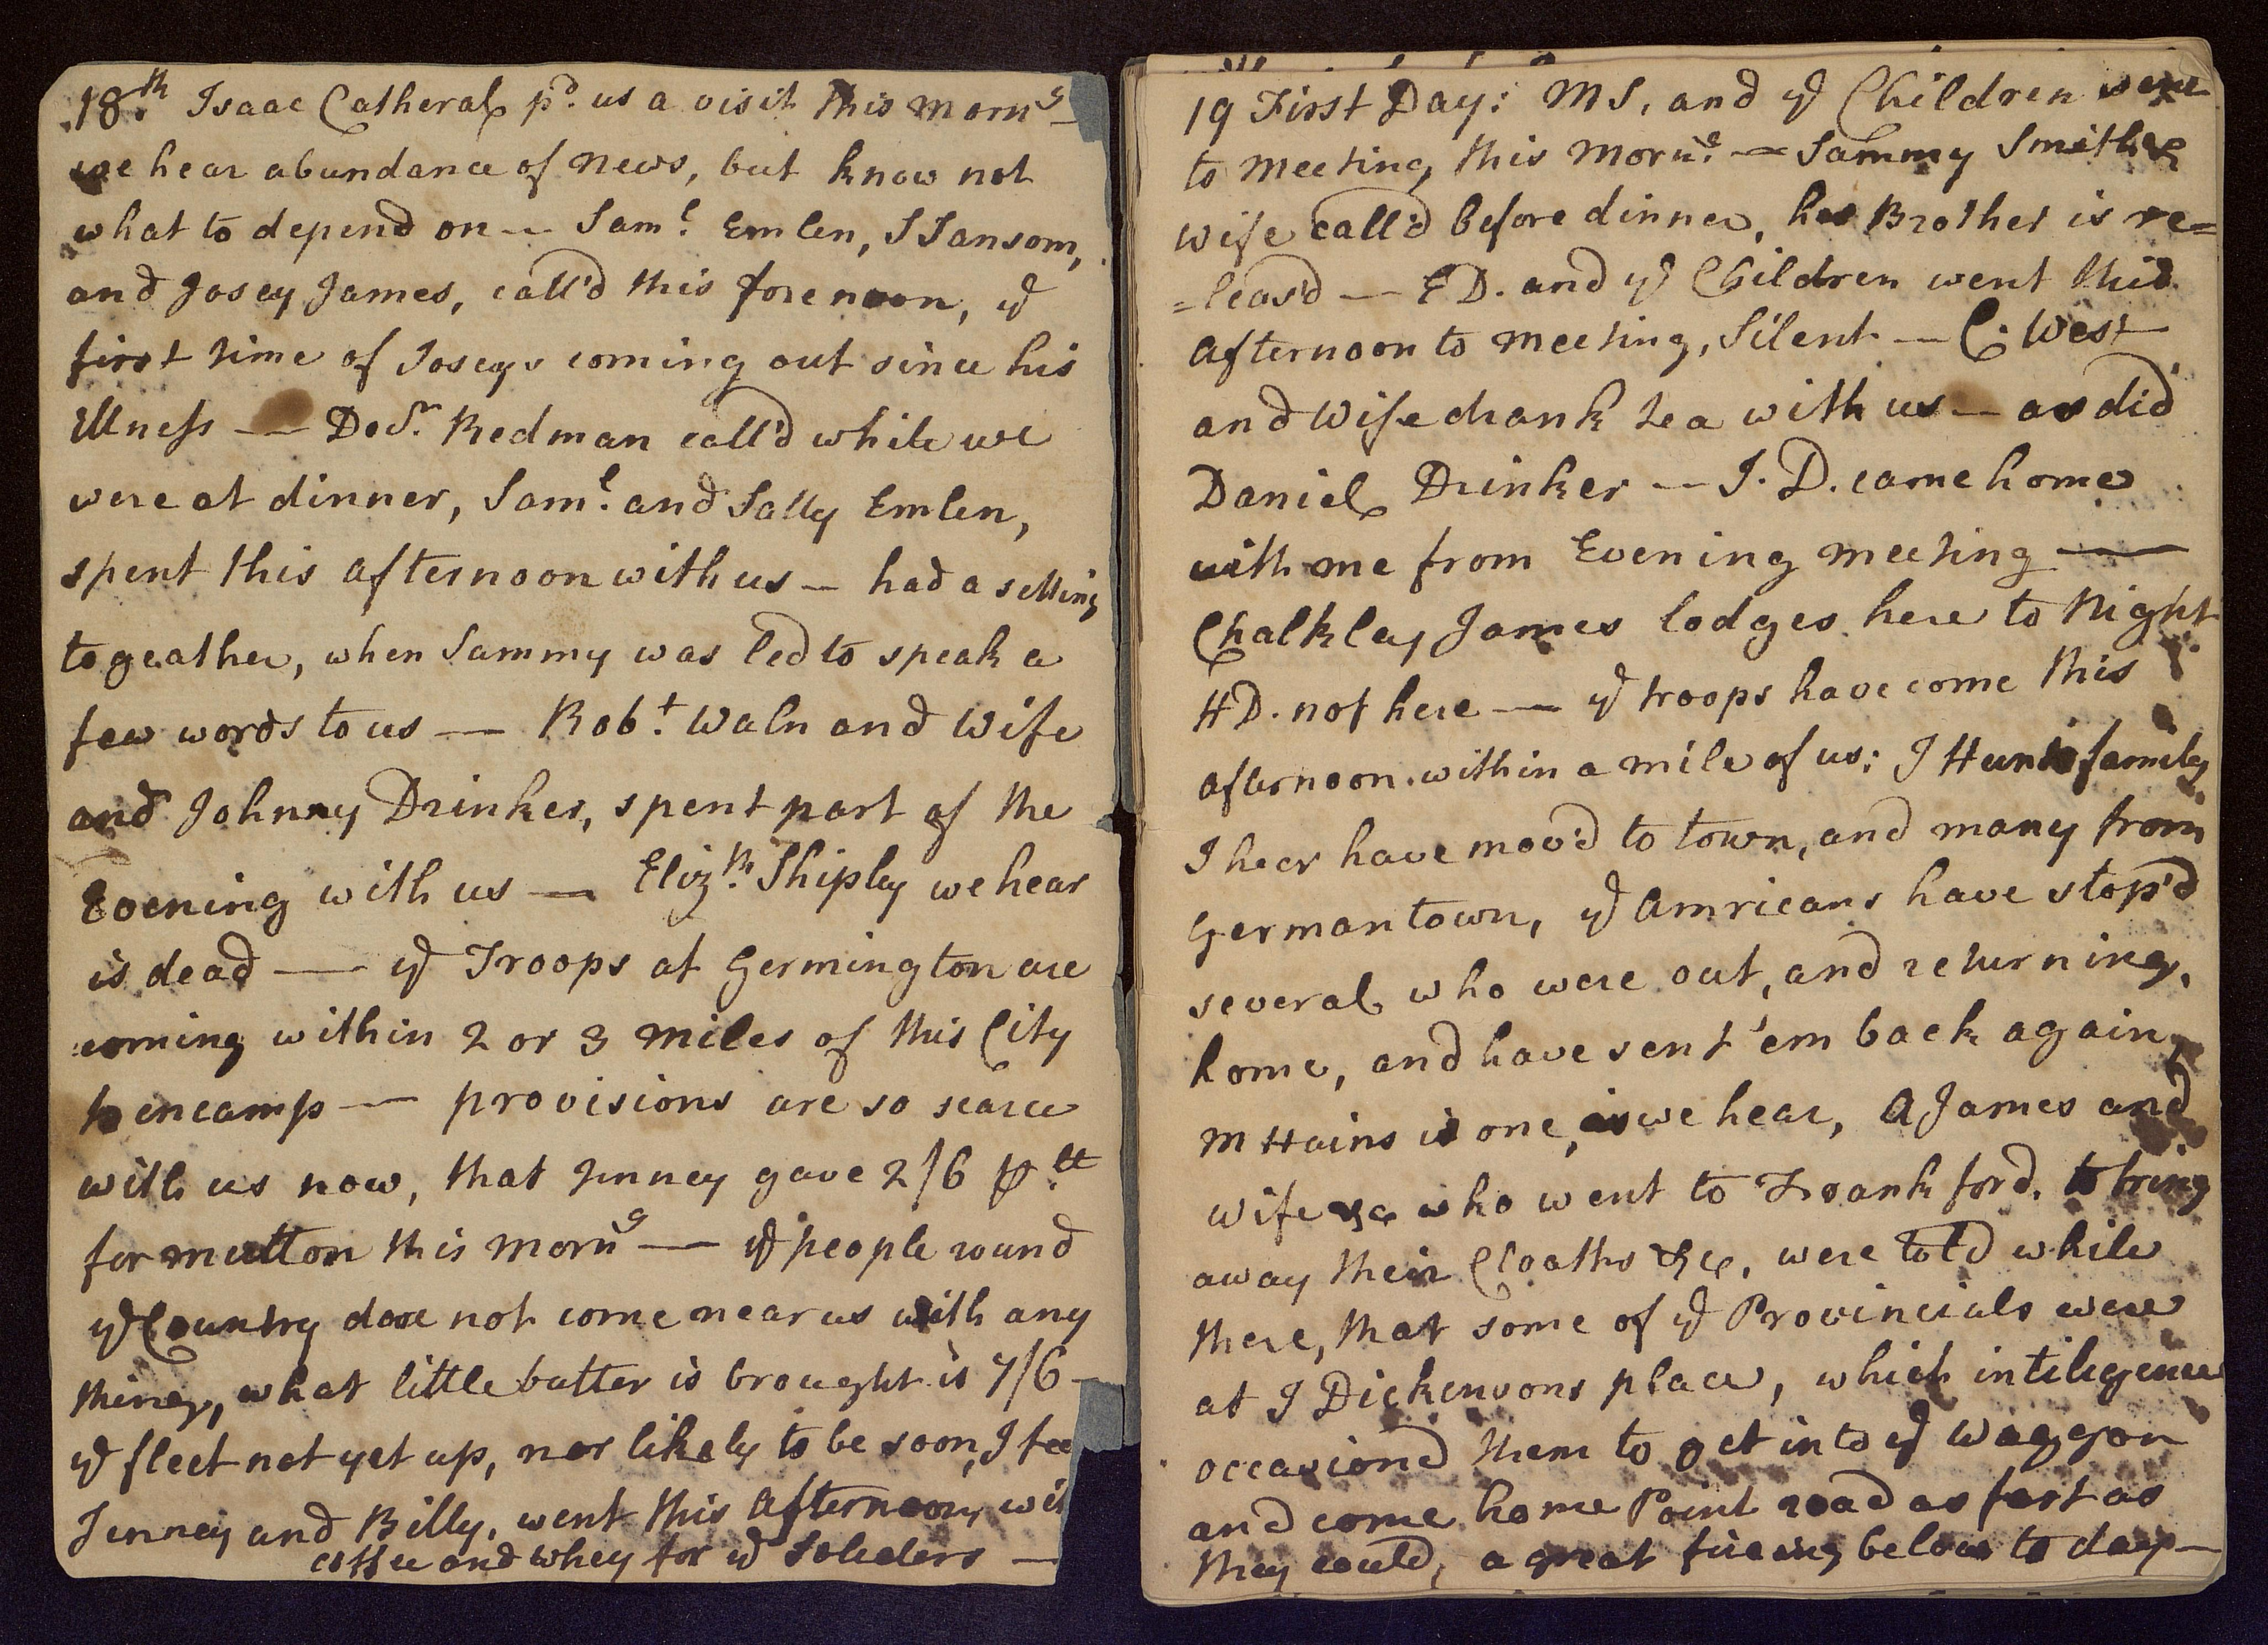18^th. Isaac Catheral p^d. us a visit this morn^g-
we hear abundance of News, but know not
what to depend on- Sam^l. Emlen, S Sansom,
and Josey James, call'd this forenoon, y^e
first time of Joseys coming out since his
Illness - Doc^r. Redman call'd while we
were at dinner, Sam^l. and Sally Emlen,
spent this afternoon with us- had a setting
to geather, when Sammy was led to speak a
few words to us- Rob^t. Waln and Wife
and Johnny Drinker, spent part of the
Evening with us - Eliz^th. Shipley we hear
is dead- y^e Troops at Germington are
coming within 2 or 3 miles of this City
to encamp- provisions are so scarce
with us now, that Jenney gave 2s6 & ^lb.
for mutton this morn^g- y^e people round
y^e Country dare not come near us with any
thing, what little butter is brought is 7s6-
y^e fleet net yet up, nor likely to be soon, I fea
Jenney and Billy, went this Afternoon wi
coffee and whey for y^e soliders
19 First Day: MS, and y^e Children sent
to meeting, this morn^g- Sammy Smith &
Wife call'd before dinner, his Brother is re-
-leas'd- ED. and y^e Children went this
Afternoon to meeting, Silent- C. West
and Wife drank tea with us- as did
Daniel Drinker- J. D. came home
with me from Evening meeting-
Chalklay James lodges here to Night
HD. not here- y^e troops have come this
afternoon within a mile of us: I Hunt's family
I hear have mov'd to town, and many from
Germantown, y^e Amricans have stop'd
several, who were out, and returning.
home, and have sent 'em back again-
M Hains is one, [as] we hear, A James and
Wife &c who went to Frankford, to bring
away their Cloaths &c. were told while
there, that some of y^e Provincials were
at I Dickensons place, which intiligence
occasiond them to get into y^e waggon
and come home Point road as fast as
they could, a great fireing below to day -